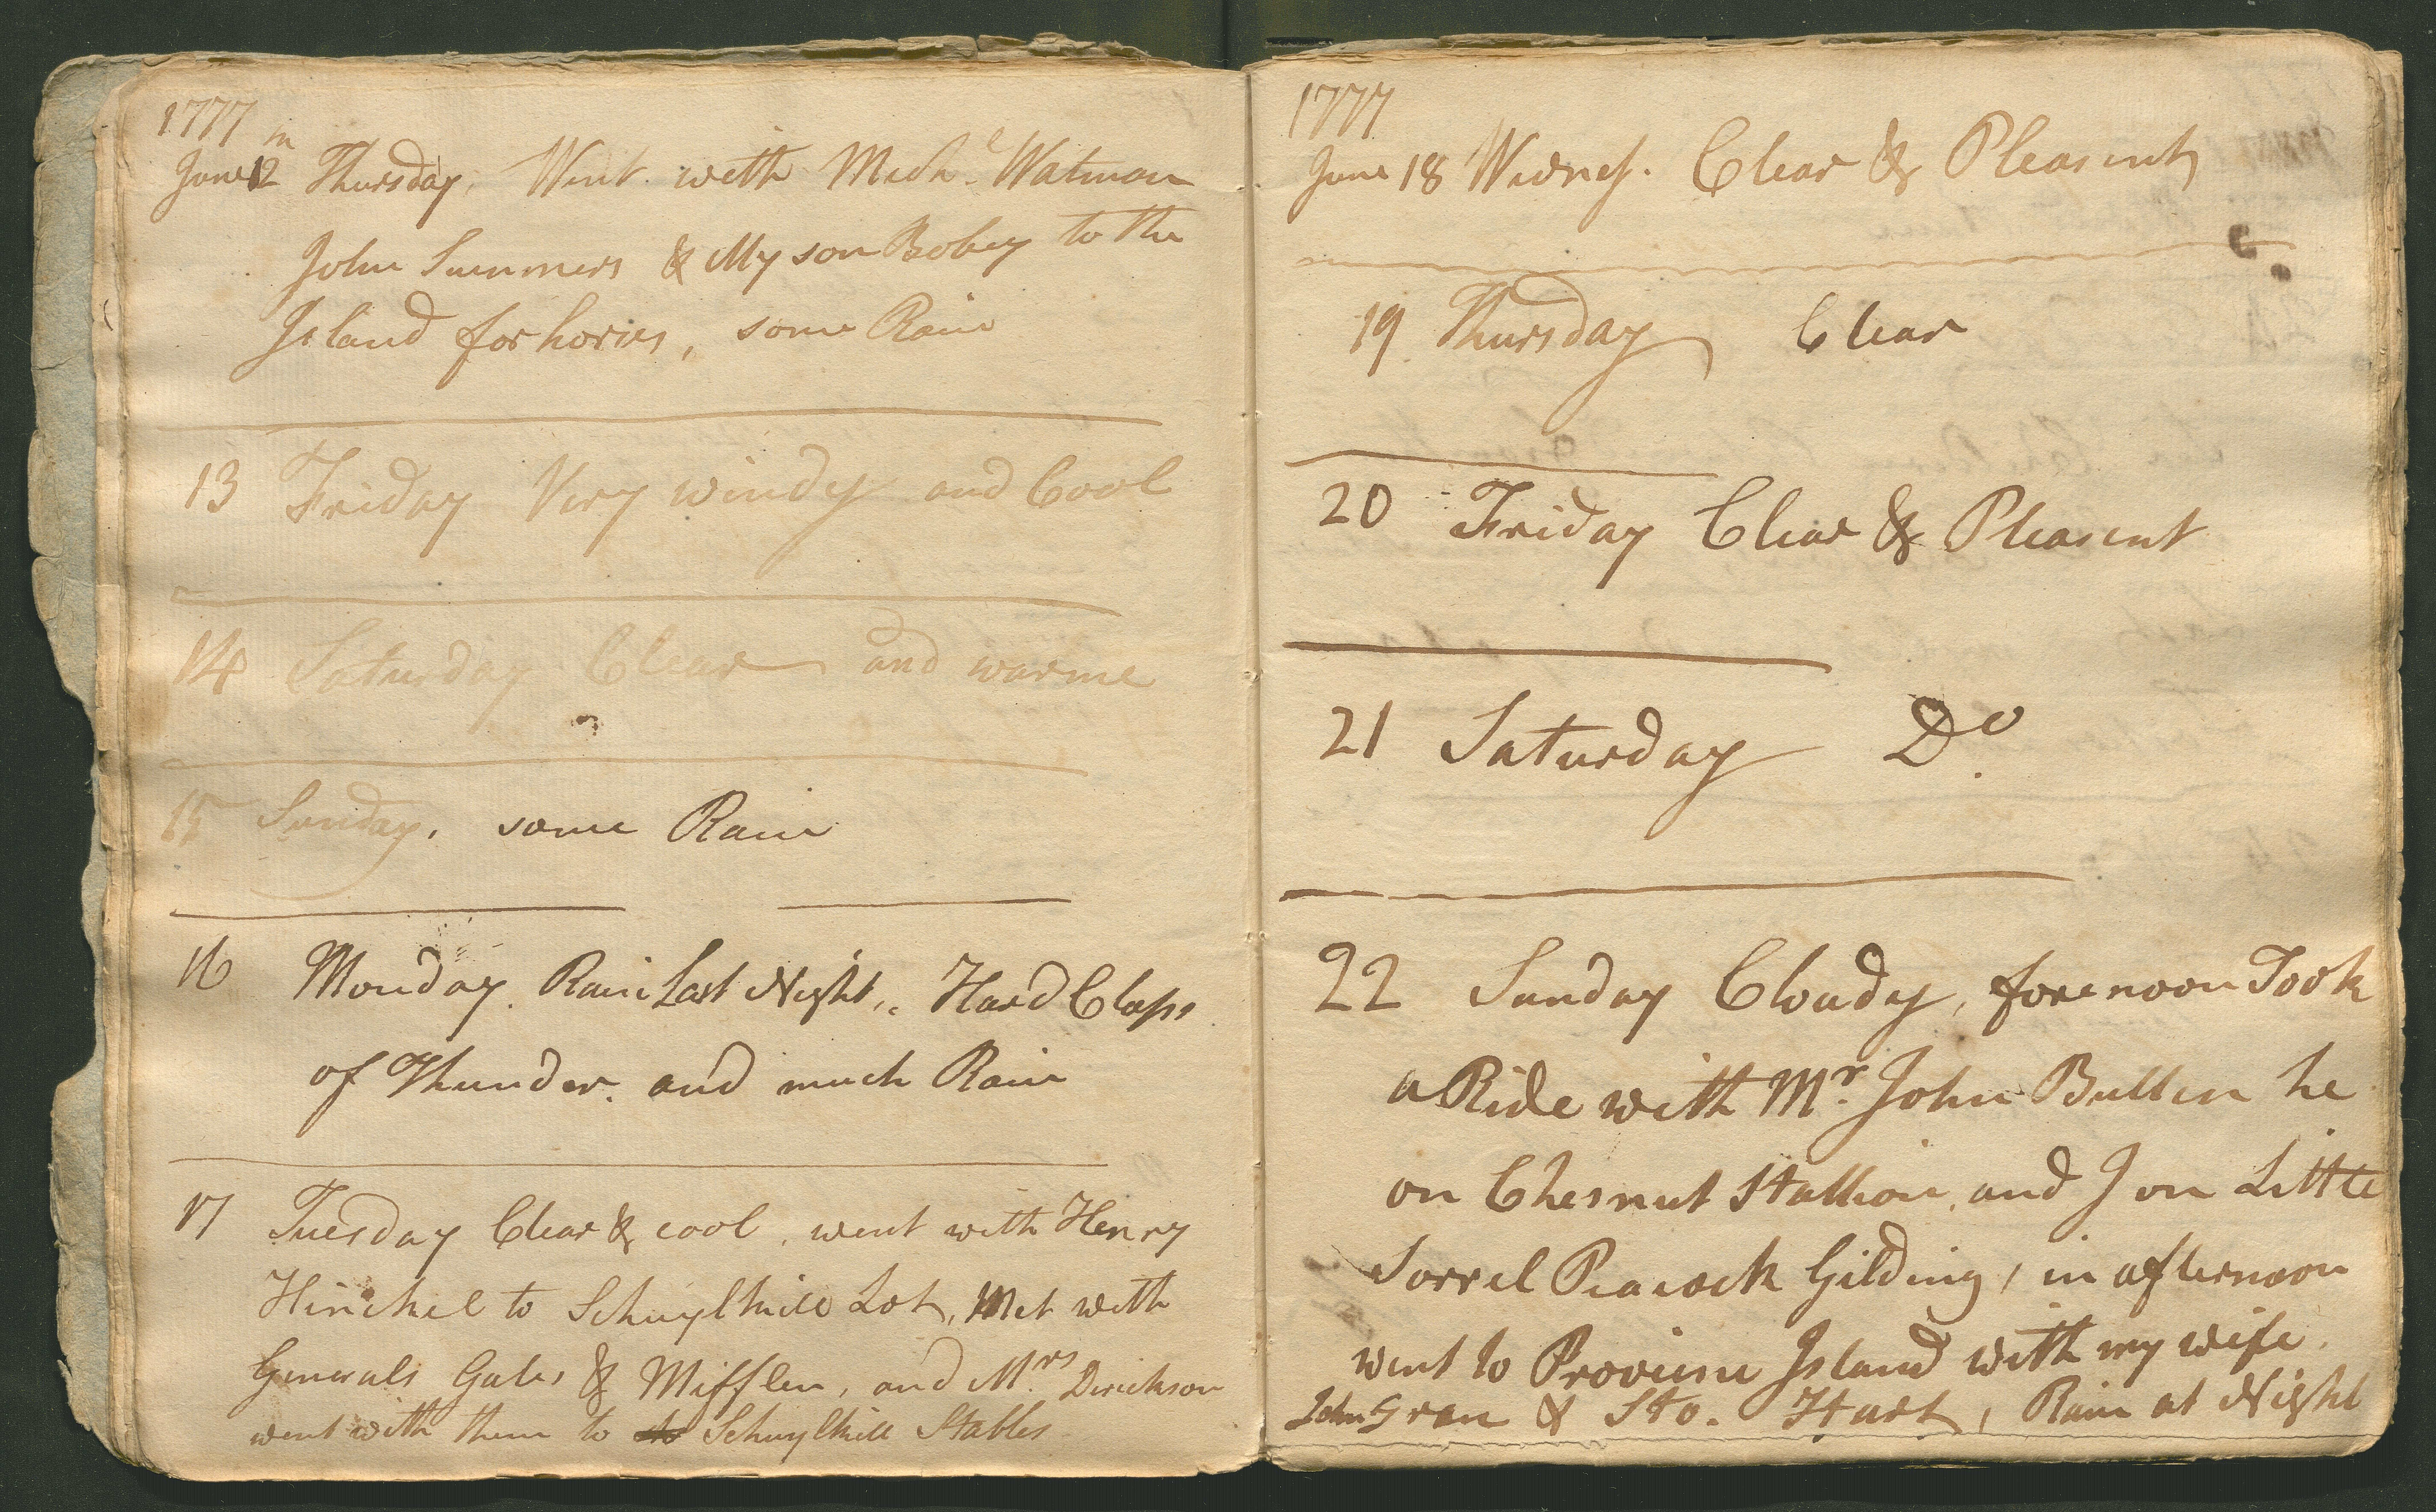1777
June 12^th Thursday. Went with Mich^l. Watman
John Summers & My son Bobey to the
Island for horses, some Rain
13 Friday Very windy and Cool
14 Saturday Clear and warme
15 Sunday, some Rain
16 Monday Rain Last Night. Hard Claps
of Thunder, and much Rain
17 Tuesday Clear & cool, went with Henry
Hinckel to Schuylkill Lot, Met with
Generals Gates & Mifflin, and M^rs. Derickson
went with them to ato^r Schuylkill Stables
1777
June 18 Wednes. Clear & Pleasent
19 Thursday Clear
2 Friday Clear & Pleasent
21 Saturday D^o.
22^th Sunday Cloudy, forenoon Took
a Ride with M^r. John Bullin he
on Chesnut Stallion, and I on Little
Sorrel Peacock Gilding, in afternoon
went to Proveine Island with my wife.
John Grau & Sto. Hart, Rain at Night